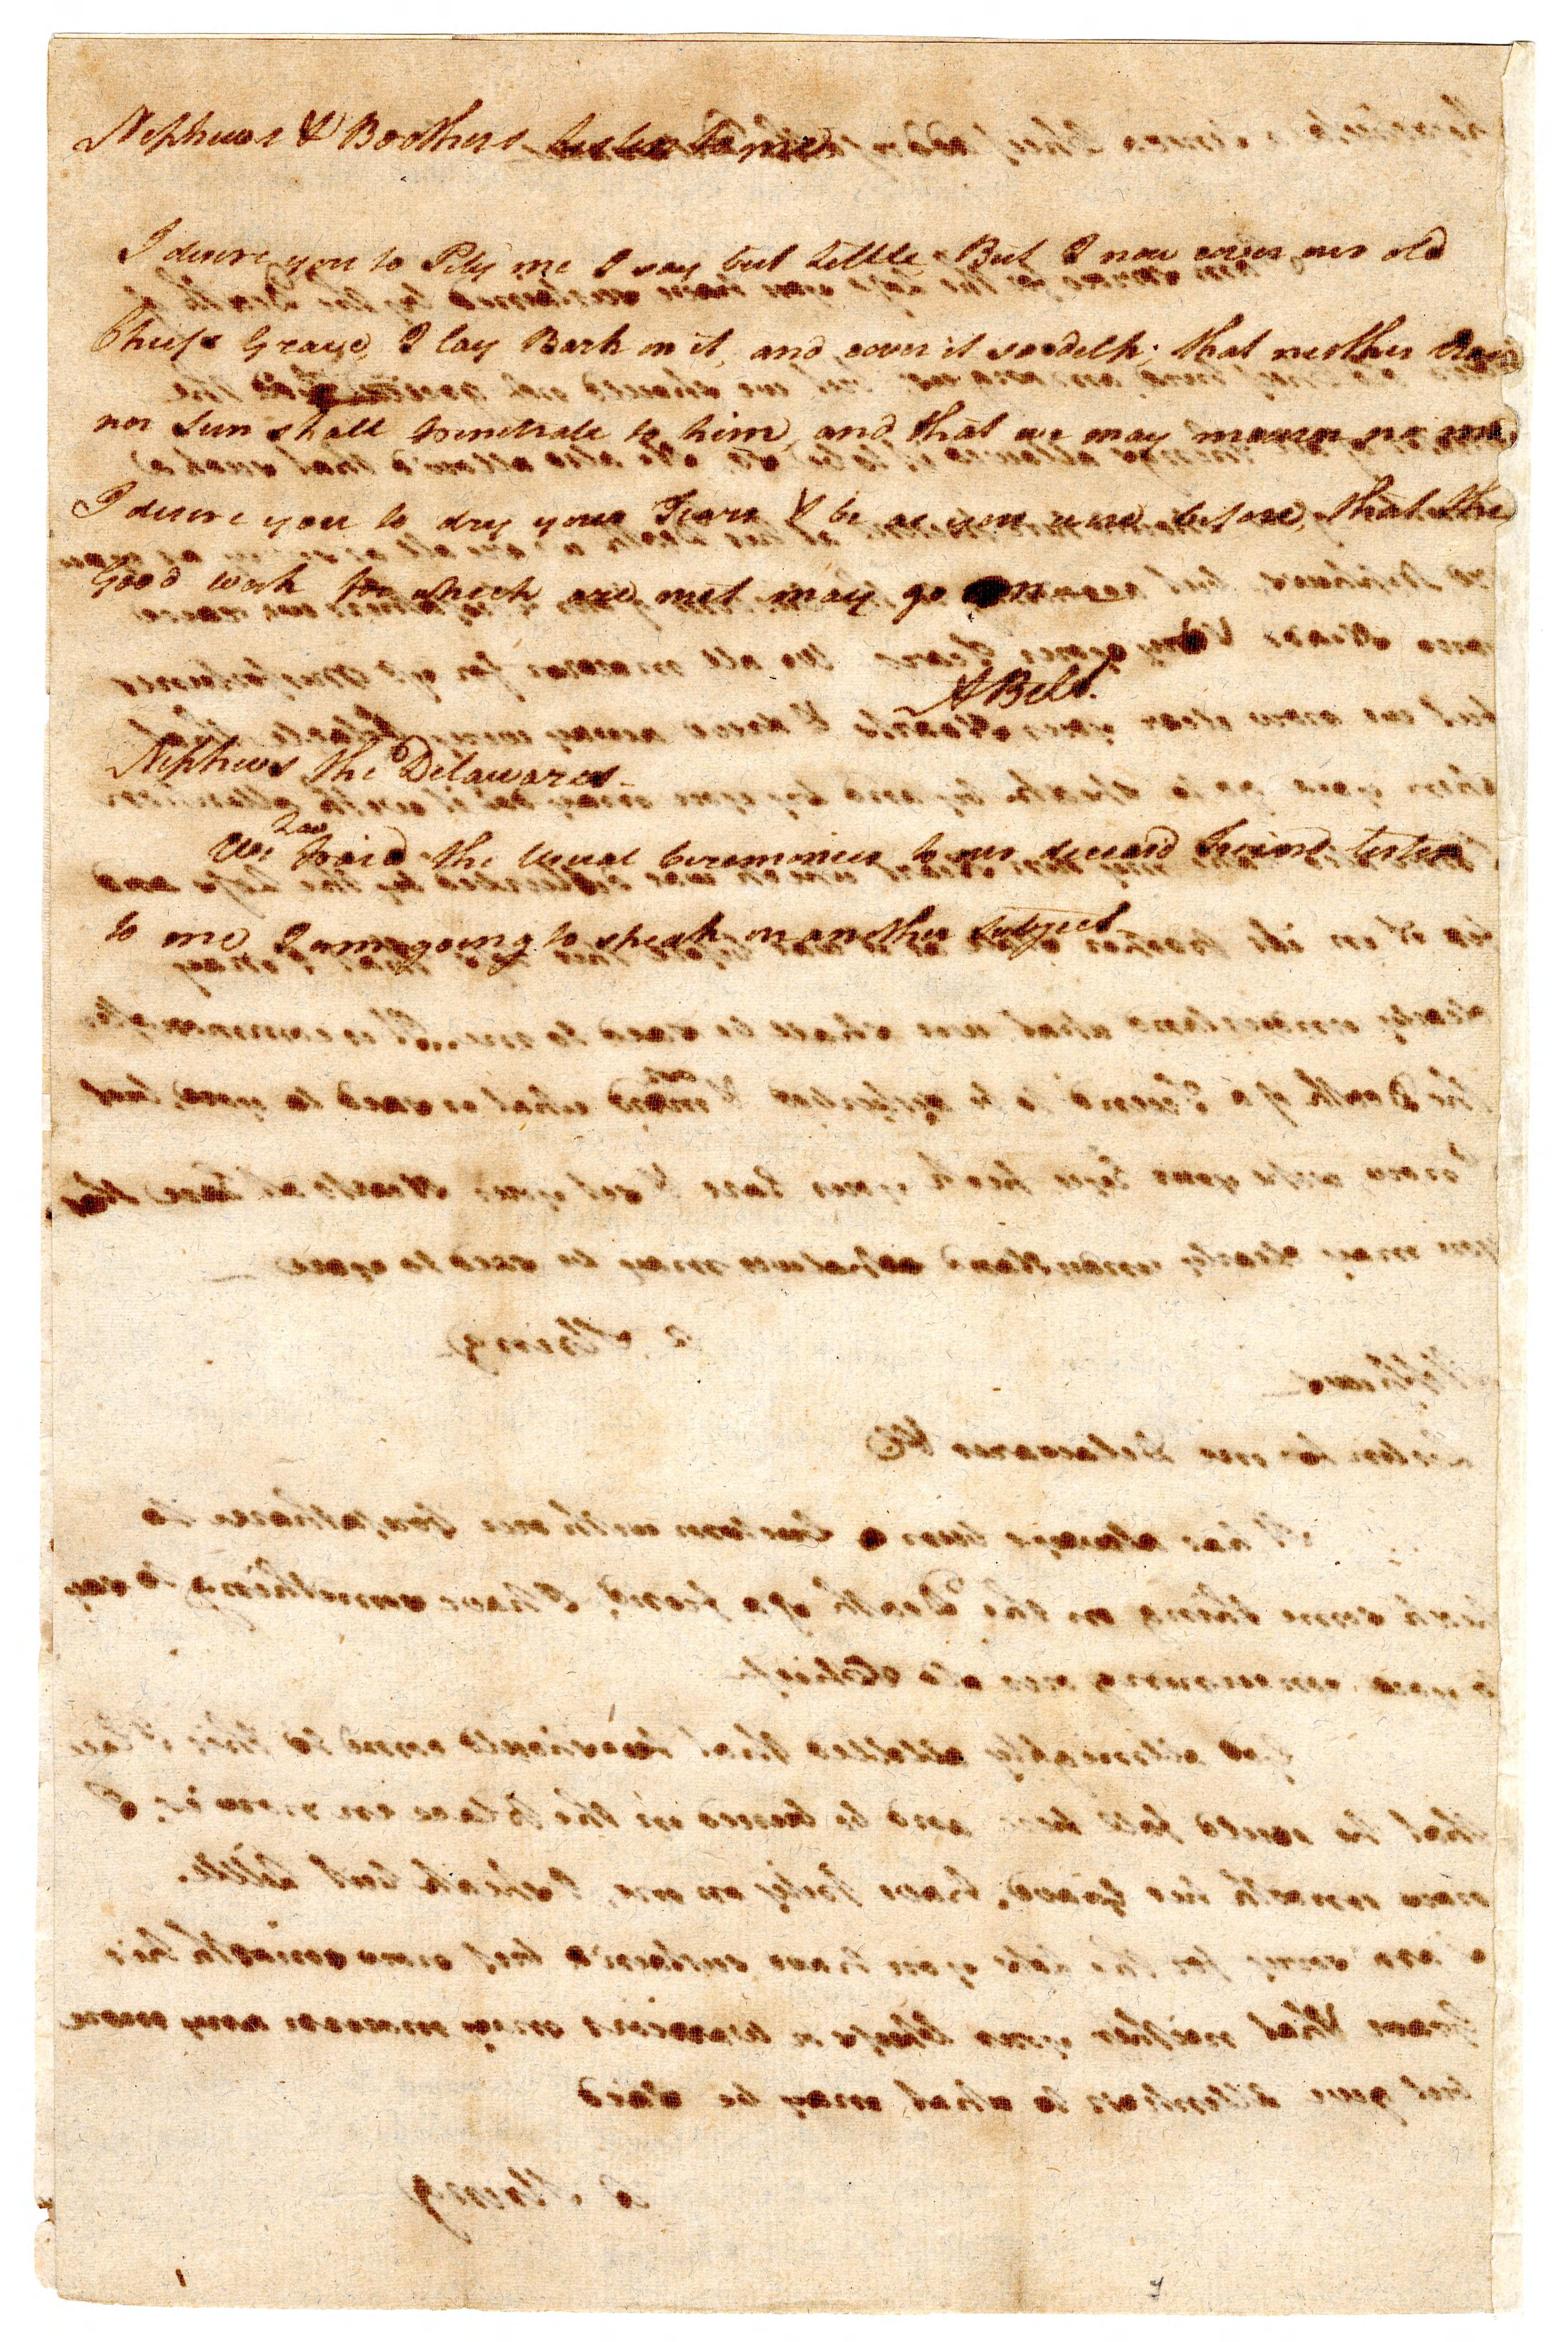Nephews & Brothers Listen to me
I desire you to Pity me I say but Little But I now cover our old
Chiefs Grave & lay Bark on it and cover it so deep that neither [__]
nor sun shall penetrate to him, and that we may mourn no m[_]
I desire you to dry your Tears & be as you were before, that the
Good work for spech are met may go on
A Belt
Nephews the Delawares
now
We ^ paid the usual Ceremonies to our deceased Friend tested
to me I am going to speak on another Subject